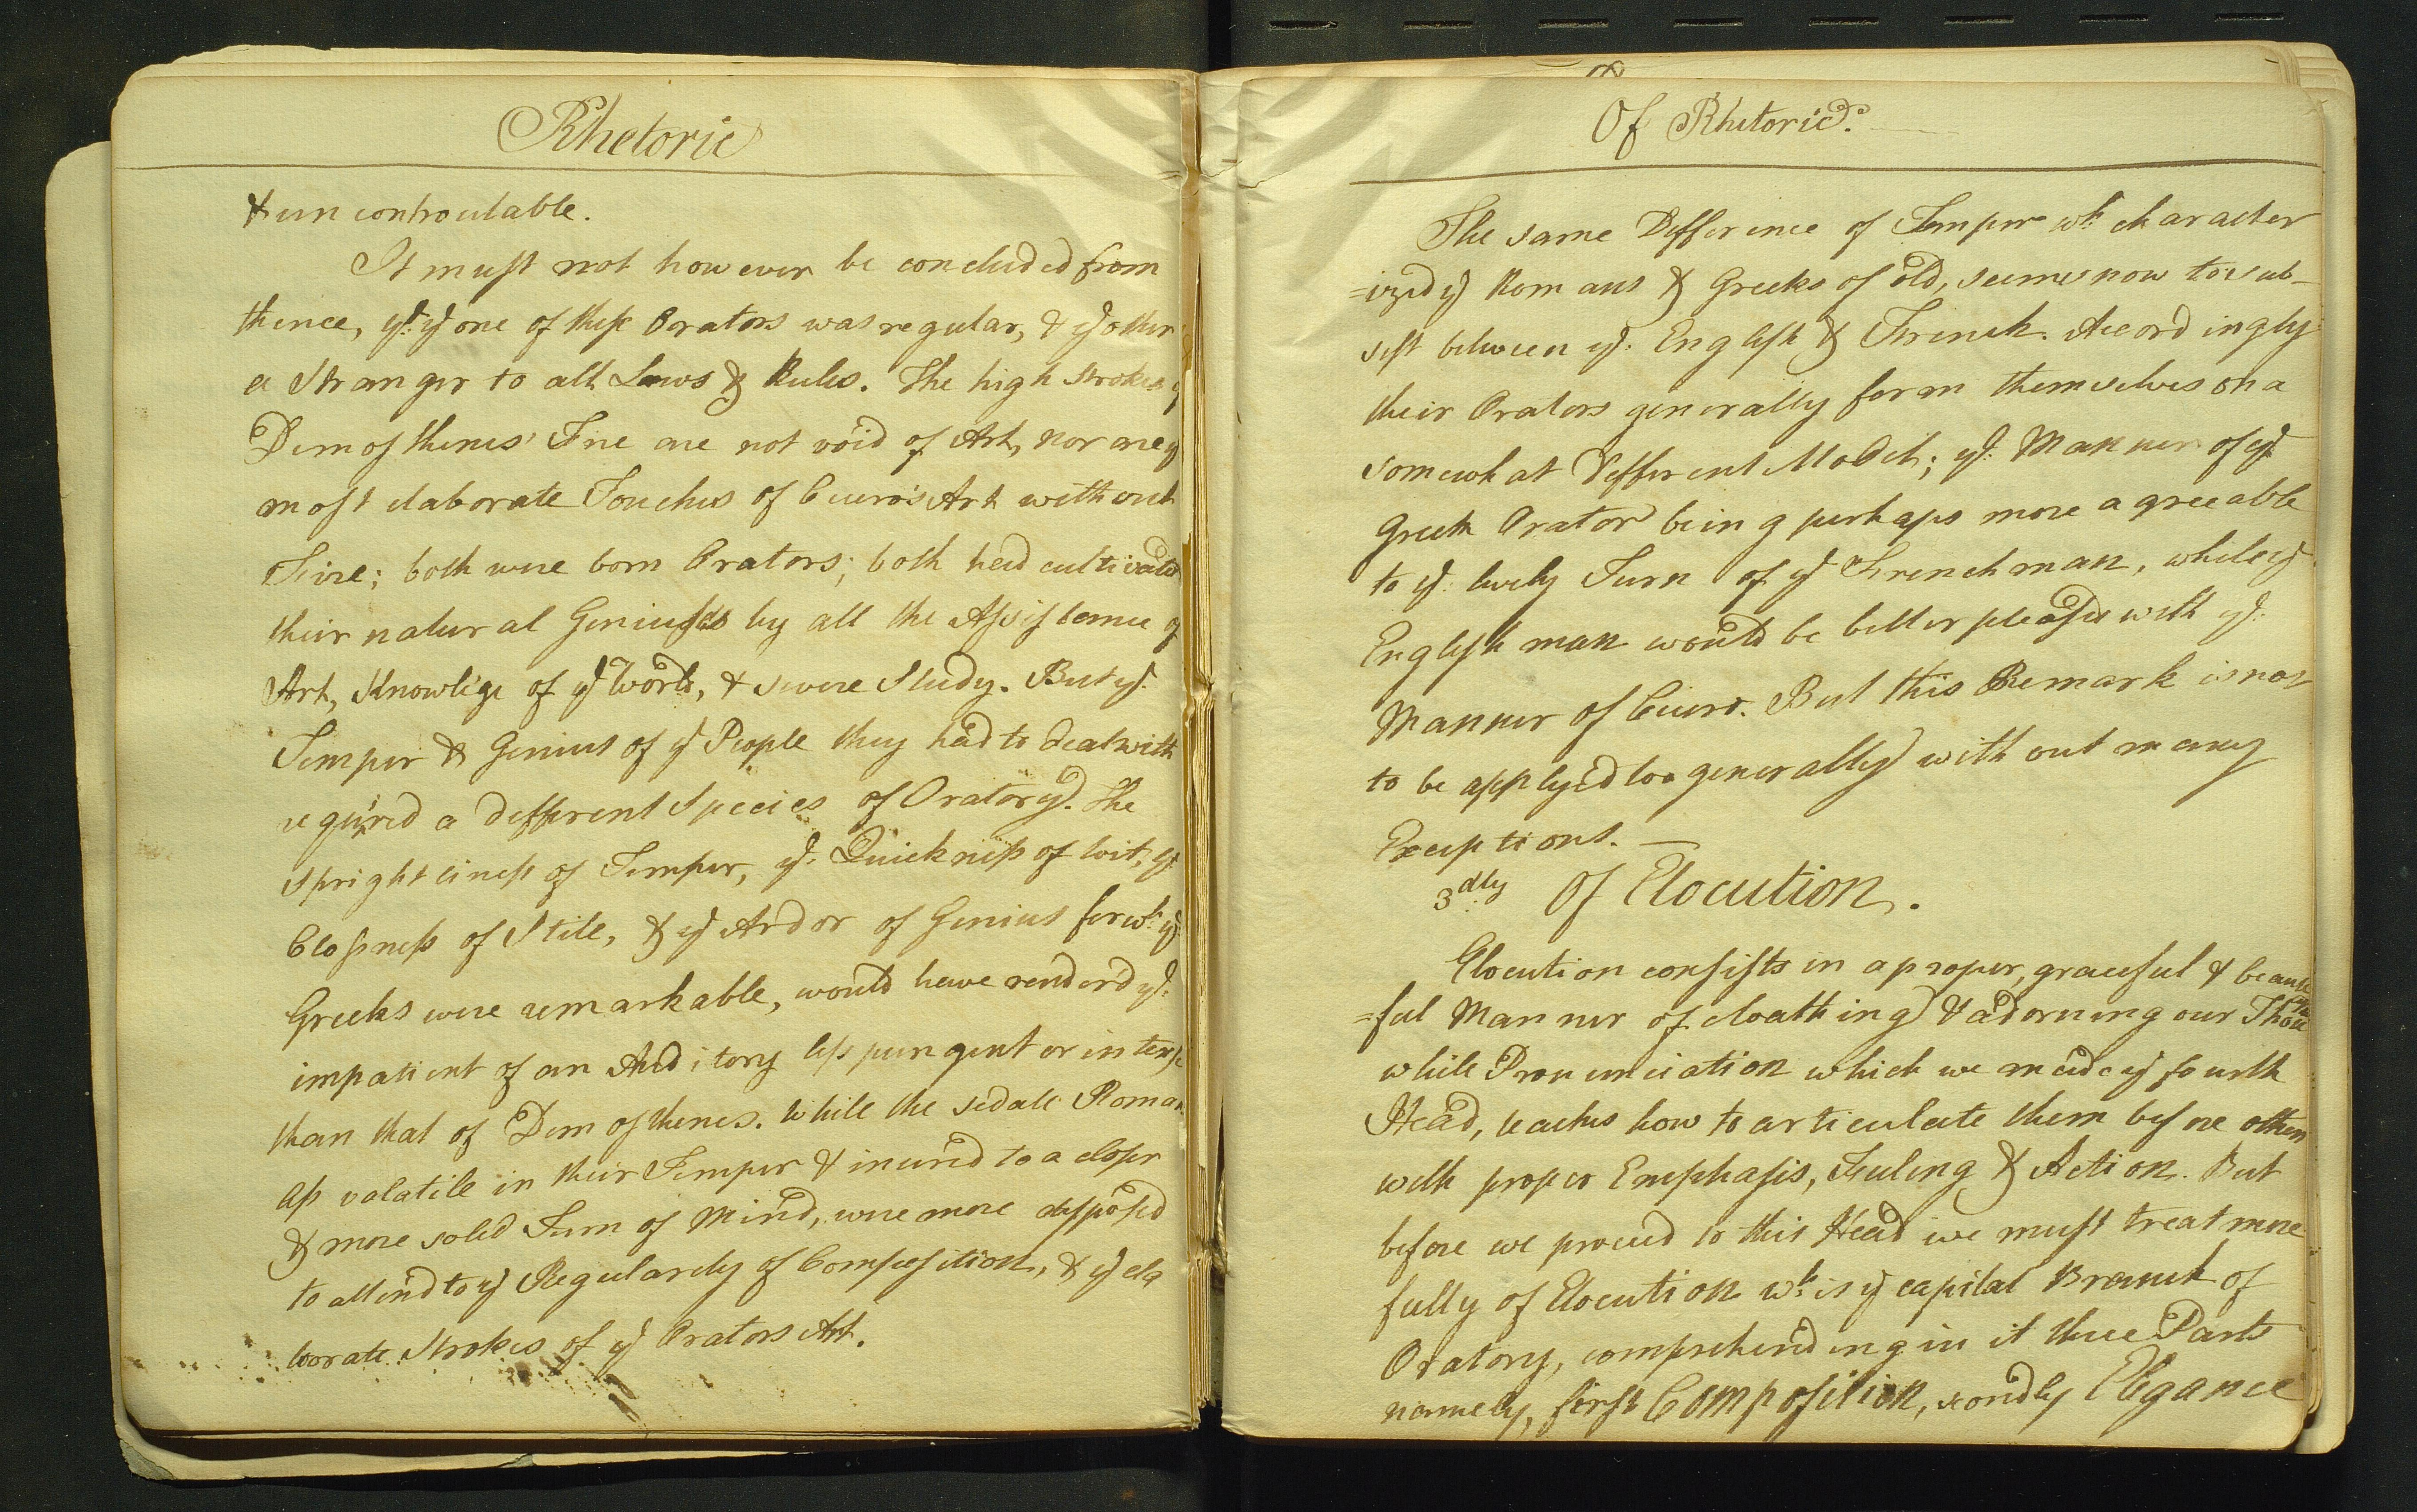Rhetoric
& uncontroulable.
It must not however be concluded from
thence, y^t: y^e one of these Orators was regular, & y^e other
a Stranger to all Laws & Rules. The high strokes of
Demostheneses' Fire are not void of Ash, nor are y^e
most elaborate Touches of Cicero's Art without
Fire; both were born Orators; both had cultivated
their natural Geniuses by all the Assistance of
Art, Knowledge of y^e Words, & severe Study. But y^e
Temper & Genius of y^e People they had to deal with
requir'd a different Species of Oratory. The
sprightliness of Temper, y^e Quickness of wit, y^e
Closeness of Stile, & y^e Ardor of Genius for w^h y^e
Greeks were remarkable, would have render'd y^e
impatient of an Auditory less pungent or in text
than that of Demosthenes. While the sedate Roman
As volatile in their Temper & inured to a closer
& more solid Turn of Mind, were more desposed
to attend to y^e Regularity of Composition, & y^e ela-
borate Strokes of y^e Orators Art.
Of Rhetoric.
The same Difference of Temper w^h character
-ized y^e Romans & Greeks of old, seems now to sub-
sist between y^e English & French. Accordingly
their Orators generally form themselves on a
somewhat Different Model; y^e: Manner of y^e
Great Orator being perhaps more agreeable
to y^e: lively Turn of y^e Frenchman, while y^e
Englishman would be better pleased with y^e:
Manner of Cicero. But this Remark is not
to be apply'd too generally without many
Exceptions.-
3^dly
Of Elocution.
Elocution consists in a proper, graceful & beauti
-ful Manner of cloathing & adorning our Thou^ghts
while Pronunciation which we made y^e fourth
Head, teaches how to articulate them before others
with proper Emphasis, Feeling & Action. But
before we proceed to this Head we must treat more
fully of Elocution w^h. is y^e capital Branch of
Oratory, comprehending in it three Parts
namely, first Composition, secondly Elegance